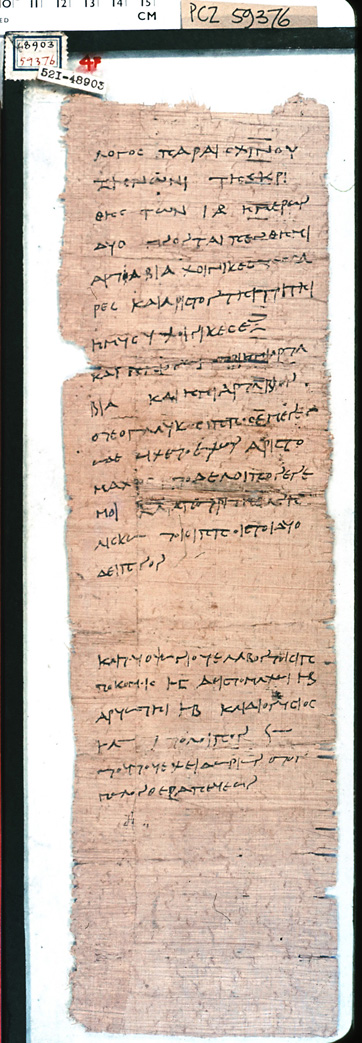λογοϲ παραιϲχινου
ζηνωνι τηϲκρι
θηϲ των ι Ǻ ημερων
δυο γινονταιπενθημι
αρταβιαχοινικεϲτεϲϲα
ρεϲ καιαριϲτοντηιτριτηι
ημυϲυχοινικεϲεξ
καιημιονωιτριημιαρτα
βια καιημιαρταβιον
οτεογλαυκοϲιπποϲεμενεν
ωδε ωιχετοεχων αριϲτο
μαχοϲτοδελοιπονενε
μοι καιαποτριτηϲανη
λιϲκω τοιϲιπποιϲτοιδυο
δειπνον
καιτουοψωνιουελαβοντοιϲιπ
ποκομοιϲ Ͱϲ αριϲτομαχωι Ͱβ
αρυωτηι Ͱβ καιδιονυϲιοϲ
ͰαⲺ / τολοιπον ∫Ⲻ
τουτουεχειδωριωνοτον
πωλονθεραπευων